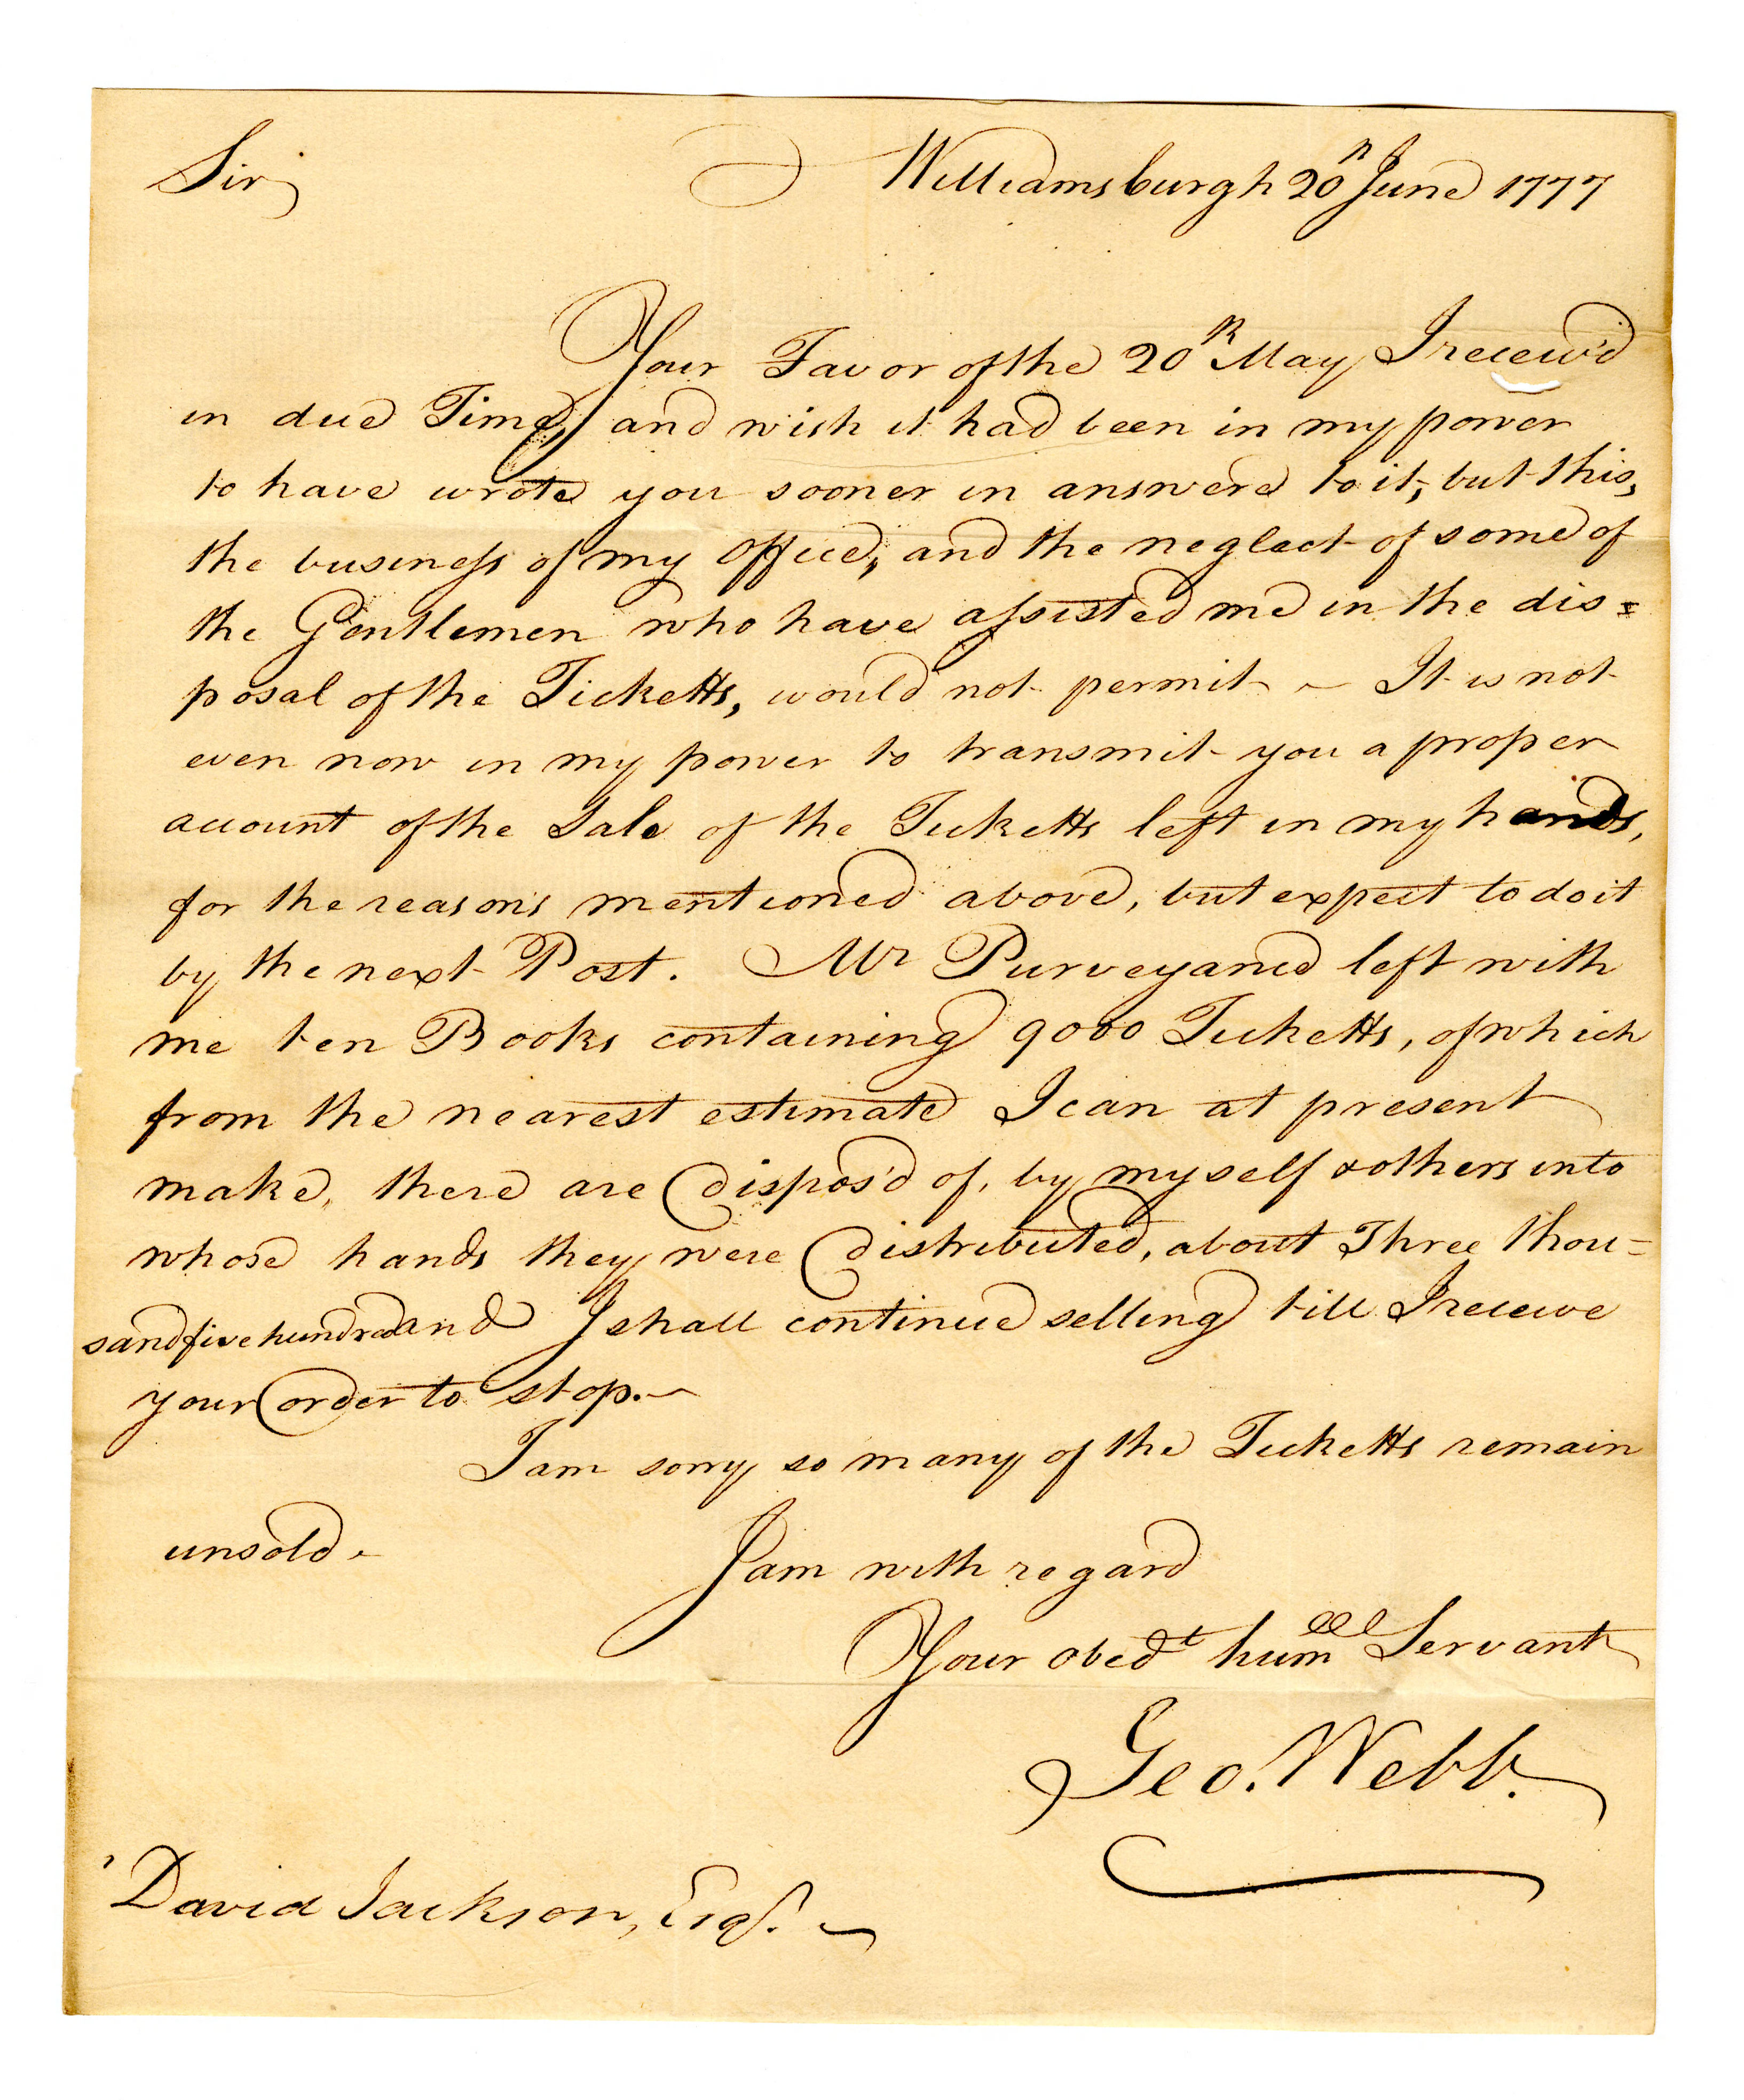Williamsburgh 20^th June 1777
Sir,
Your Favor of the 20^th May I receiv'd
in due Time and wish it had been in my power
to have wrote you sooner in answerd to it, but this,
the business of my Office and the neglect of some of
the Gentlemen who have assisted me in the dis-
posal of the Ticketts, would not permit- It is not
even now in my power to transmit you a proper
account of the Sale of the Tickets left in my hands
for the reasons mentioned above, but expect to do it
by the next Post. Mr Purveyaned left with
me ten Books containing 9000 Tickets, of which
from the nearest estimate I can at present
make there are dispos'd of, by myself & others into
whose hands they were distributed about Three thou-
sand five hundred and I shall continued selling till I receive
your order to stop.
I am sorry so many of the Tickets remain
unsold.
I am with regard
Your obed^t hum^ble Servant
Geo. Webb.
David Jackson, Esq^r-